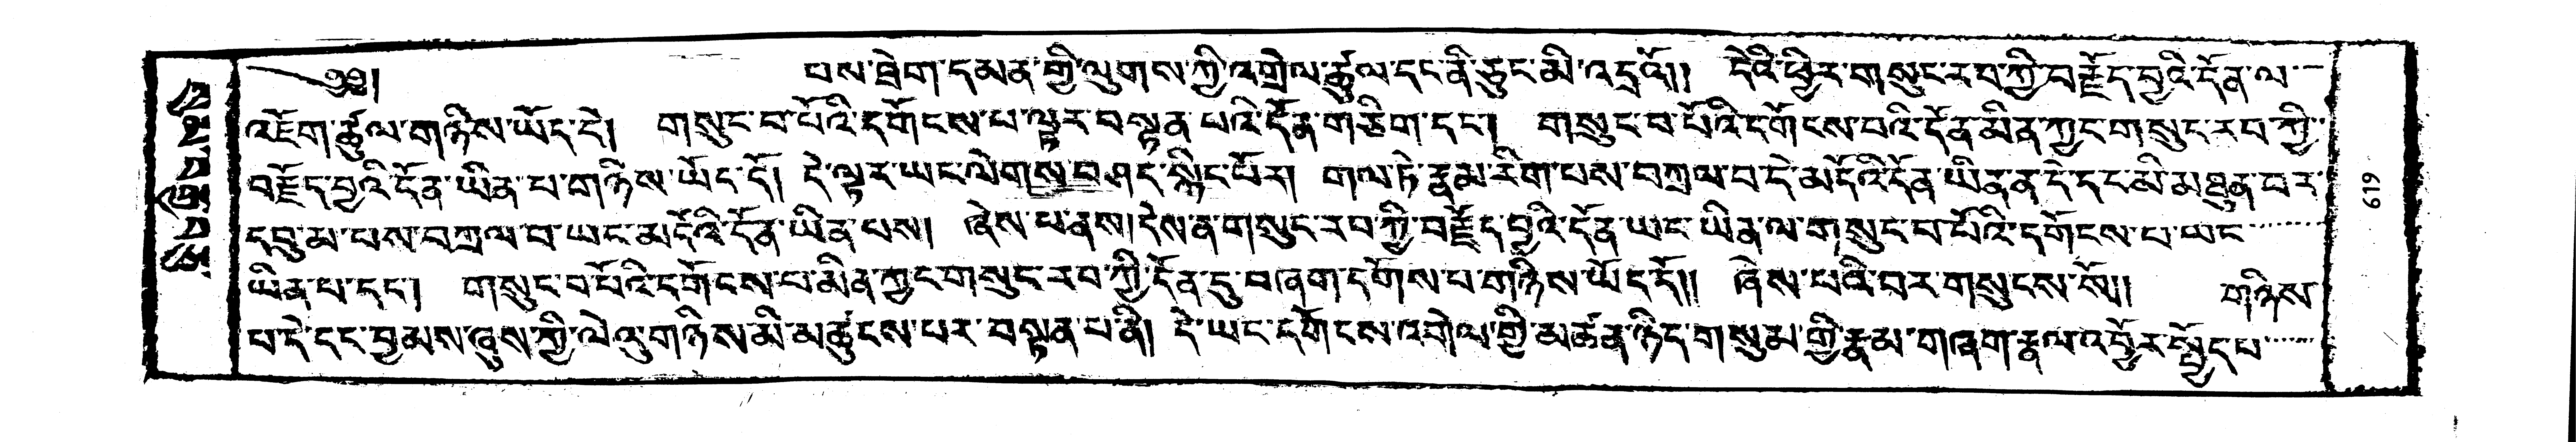༄༅། །པས་ཐེག་དམན་གྱི་ལུགས་ཀྱི་འགྲེལ་ཚུལ་དང་ནི་ཅུང་མི་འདྲའོ།། དེའི་ཕྱིར་གསུང་རབ་ཀྱི་བརྗོད་བྱའི་དོན་ལ་
འཇོག་ཚུལ་གཉིས་ཡོད་དེ། གསུང་བ་པོའི་དགོངས་པ་ལྟར་བསྟན་པའི་དོན་གཅིག་དང་། གསུང་བ་པོའི་དགོངས་པའི་དོན་མིན་ཀྱང་གསུང་རབ་ཀྱི་
བརྗོད་བྱའི་དོན་ཡིན་པ་གཉིས་ཡོད་དོ། དེ་ལྟར་ཡང་ལེགས་བཤད་སྙིང་པོར། གལ་ཏེ་རྣམ་རིག་པས་བཀྲལ་བ་དེ་མདོའི་དོན་ཡིན་ན་དེ་དང་མི་མཐུན་པར་
དབུ་མ་པས་བཀྲལ་བ་ཡང་མདོའི་དོན་ཡིན་པས། ཞེས་པ་ནས། དེས་ན་གསུང་རབ་ཀྱི་བརྗོད་བྱའི་དོན་ཡང་ཡིན་ལ་གསུང་བ་པོའི་དགོངས་པ་ཡང་
ཡིན་པ་དང་། གསུང་བ་པོའི་དགོངས་པ་མིན་ཀྱང་གསུང་རབ་ཀྱི་དོན་དུ་བཞག་དགོས་པ་གཉིས་ཡོད་དོ།། ཞེས་པའི་བར་གསུངས་སོ།། གཉིས་
པ་དེ་དང་བྱམས་ཞུས་ཀྱི་ལེའུ་གཉིས་མི་མཚུངས་པར་བསྟན་པ་ནི། དེ་ཡང་དགོངས་འགྲེལ་གྱི་མཚན་ཉིད་གསུམ་གྱི་རྣམ་གཞག་རྣལ་འབྱོར་སྤྱོད་པ་